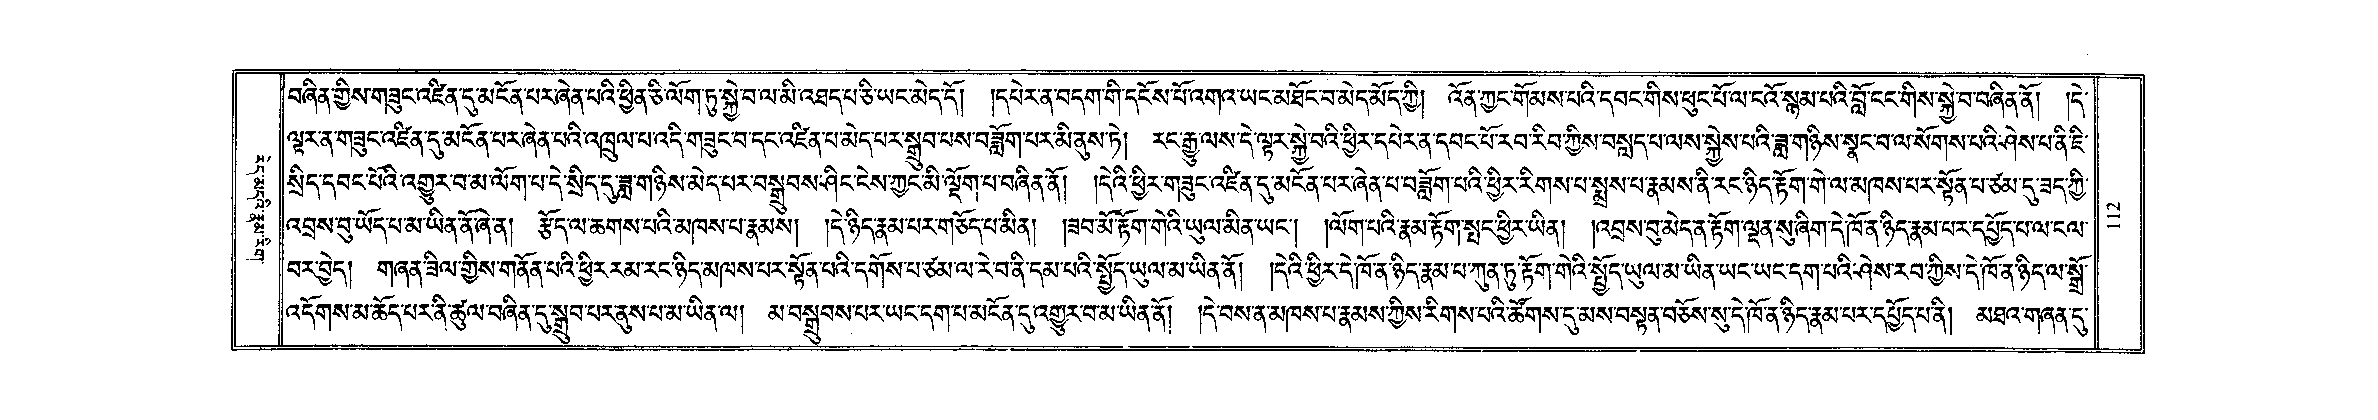བཞིན་གྱིས་གཟུང་འཛིན་དུ་མངོན་པར་ཞེན་པའི་ཕྱིན་ཅི་ལོག་ཏུ་སྐྱེ་བ་ལ་མི་འཐད་པ་ཅི་ཡང་མེད་དོ། །དཔེར་ན་བདག་གི་དངོས་པོ་འགའ་ཡང་མཐོང་བ་མེད་མོད་ཀྱི། འོན་ཀྱང་གོམས་པའི་དབང་གིས་ཕུང་པོ་ལ་ངའོ་སྙམ་པའི་བློ་ངང་གིས་སྐྱེ་བ་བཞིན་ནོ། །དེ་
ལྟར་ན་གཟུང་འཛིན་དུ་མངོན་པར་ཞེན་པའི་འཁྲུལ་པ་འདི་གཟུང་བ་དང་འཛིན་པ་མེད་པར་སྒྲུབ་པས་བཟློག་པར་མི་ནུས་ཏེ། རང་རྒྱུ་ལས་དེ་ལྟར་སྐྱེ་བའི་ཕྱིར་དཔེར་ན་དབང་པོ་རབ་རིབ་ཀྱིས་བསླད་པ་ལས་སྐྱེས་པའི་ཟླ་གཉིས་སྣང་བ་ལ་སོགས་པའི་ཤེས་པ་ནི་ཇི་
སྲིད་དབང་པོའི་འགྱུར་བ་མ་ལོག་པ་དེ་སྲིད་དུ་ཟླ་གཉིས་མེད་པར་བསྒྲུབས་ཤིང་ངེས་ཀྱང་མི་ལྡོག་པ་བཞིན་ནོ། །དེའི་ཕྱིར་གཟུང་འཛིན་དུ་མངོན་པར་ཞེན་པ་བཟློག་པའི་ཕྱིར་རིགས་པ་སྨྲས་པ་རྣམས་ནི་རང་ཉིད་རྟོག་གེ་ལ་མཁས་པར་སྟོན་པ་ཙམ་དུ་ཟད་ཀྱི་
འབྲས་བུ་ཡོད་པ་མ་ཡིན་ནོ་ཞེ་ན། རྩོད་ལ་ཆགས་པའི་མཁས་པ་རྣམས། །དེ་ཉིད་རྣམ་པར་གཅོད་པ་མིན། །ཟབ་མོ་རྟོག་གེའི་ཡུལ་མིན་ཡང་། །ལོག་པའི་རྣམ་རྟོག་སྤང་ཕྱིར་ཡིན། །འབྲས་བུ་མེད་ན་རྟོག་ལྡན་སུ་ཞིག་དེ་ཁོ་ན་ཉིད་རྣམ་པར་དཔྱོད་པ་ལ་ངལ་
བར་བྱེད། གཞན་ཟིལ་གྱིས་གནོན་པའི་ཕྱིར་རམ་རང་ཉིད་མཁས་པར་སྟོན་པའི་དགོས་པ་ཙམ་ལ་རེ་བ་ནི་དམ་པའི་སྤྱོད་ཡུལ་མ་ཡིན་ནོ། །དེའི་ཕྱིར་དེ་ཁོ་ན་ཉིད་རྣམ་པ་ཀུན་ཏུ་རྟོག་གེའི་སྤྱོད་ཡུལ་མ་ཡིན་ཡང་ཡང་དག་པའི་ཤེས་རབ་ཀྱིས་དེ་ཁོ་ན་ཉིད་ལ་སྒྲོ་
འདོགས་མཆོད་པར་ནི་ཚུལ་བཞིན་དུ་སྒྲུབ་པར་ནུས་པ་མ་ཡིན་ལ། མ་བསྒྲུབས་པར་ཡང་དག་པར་མངོན་དུ་འགྱུར་བ་མ་ཡིན་ནོ། །དེ་བས་ན་མཁས་པ་རྣམས་ཀྱིས་རིགས་པའི་ཚོགས་དུ་མས་བསྟན་བཅོས་སུ་དེ་ཁོ་ན་ཉིད་རྣམ་པར་དཔྱོད་པ་ནི། མཐའ་གཞན་དུ་